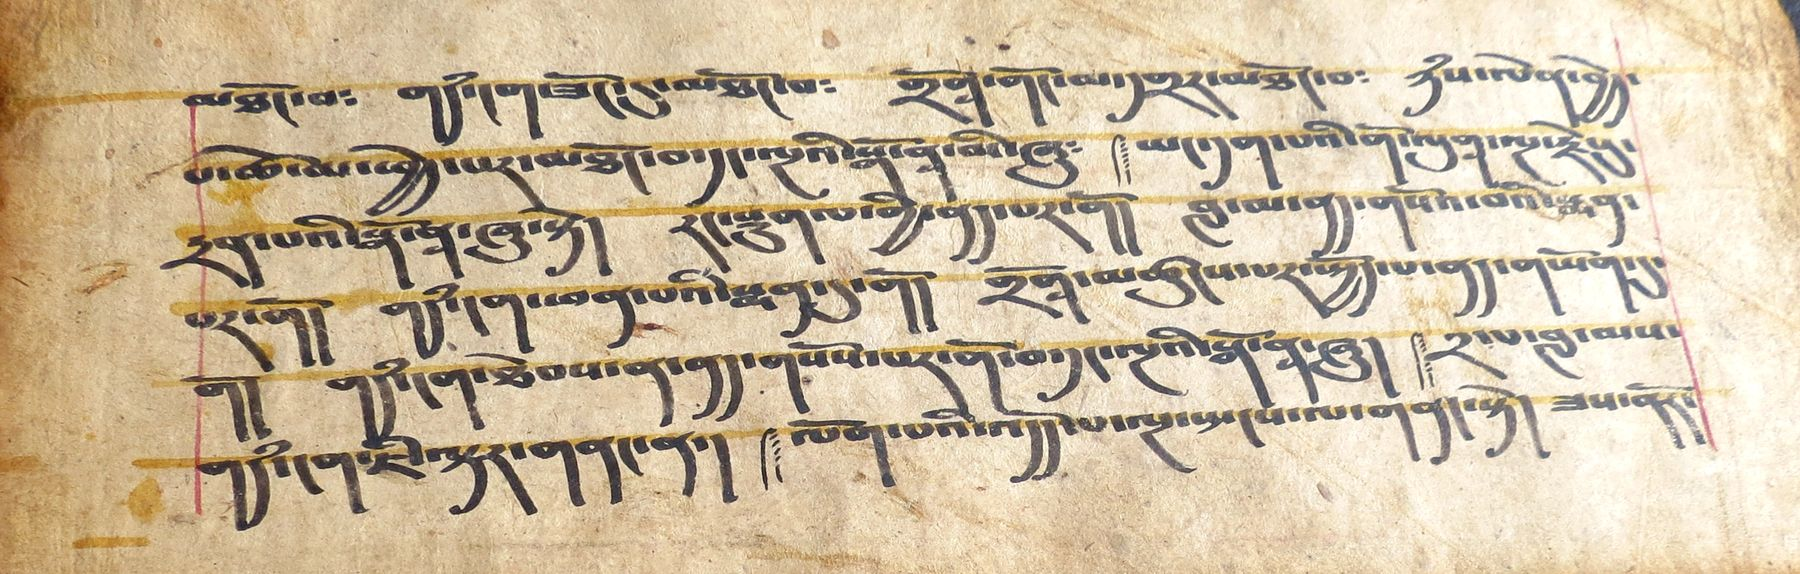མཐོང་བ། གདམས་ངག་ལ་ཟོང་དུ་མཐོང་བ། གྲོགས་གོང་མ་དགྲར་མཐོང་བ། ཉམས་ལེན་བྱེད་
པ་ཚེ་མ་ཕྱིད་པར་མཐོང་བ་དང་ལྔའི་སྒོ་ནས་མི་ཞུ། ཡང་དག་པའི་གོ་ལུགས་ལྔ་རྗེས་སུ་
དྲན་པའི་སྒོ་ནས་ཞུ་སྟེ། རང་སྡུག་བསྔལ་གྱི་ནད་པར་གོ། བླ་མ་ནད་གསོ་བའི་སྨན་
པར་གོ། གདམས་ངག་ཕན་པའི་སྨན་དུ་གོ། གྲོགས་མཚུངས་པར་སྤྱོད་པ་ནད་གཡོག་ཏུ་
གོ། གདམ་ངག་ཐེབས་ན་ནད་སོས་པར་དྲན་པ་དང་ལྔའི་སྒོ་ནས་ཞུ། གཉིས་པ་བླ་མས་
གདམས་ངག་ཇི་ལྟར་གནང་ན། ལོག་པའི་འདོད་པ་ལྔ་སྤངས་ལ་གནང་སྟེ། ཟས་ནོར་